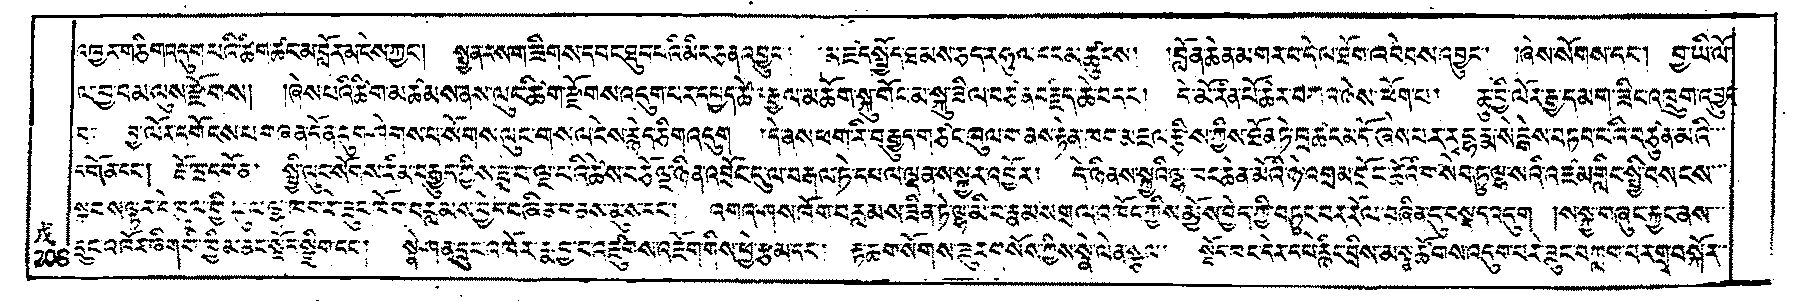འཁྱར་གཅིག་འདུག་པའི་ཚིག་ཚང་མ་བློར་མ་ངེས་ཀྱང་། སྤྱན་རས་གཟིགས་དབང་ཐུབ་པའི་མིང་ཅན་འབྱུང་། །མཛད་སྤྱོད་ཐམས་ཅད་ར་ཧུལ་དང་མཚུངས། །བློན་ཆེན་མགར་བ་དེ་ལ་ཐོག་འབེབས་འབྱུང་། །ཞེས་སོགས་དང་། བྱ་ཡི་ལོ་
ལ་བྱ་བ་མ་ལུས་རྫོགས། །ཞེས་པའི་ཚིག་མཚམས་ནས་ལུང་ཚིག་རྫོགས་འདུག་པར་དཔྱད་ཚེ་༧རྒྱལ་མཆོག་སྐུ་གོང་མ་སྐུ་ཟིལ་བཙན་བརྗིད་ཆེ་བ་དང་། དེ་མོ་རིན་པོ་ཆེར་བཀའ་ཉེས་ཕོག་པ། ཆུ་བྱི་ལོར་རྒྱ་དམག་ཟིང་འཁྲུག་འབྱུང་
བ། བྱ་ལོར་དགོངས་པ་གཞན་དོན་དུ་གཤེགས་པ་སོགས་ལུང་གསལ་ངེས་རྙེད་ཅིག་འདུག །དེ་ནས་ཕག་རི་བརྒྱུད་གཙང་ཁུལ་གནས་རྟེན་ཁག་མཇལ་རྩིས་ཀྱིས་ཐོན་ཏེ་ཁྲ་ཚང་མདོ་ཞེས་པར་རྭ་དྷརྨ་སེངྒེས་བཏབ་པའི་བཙུན་མའི་
དགོན་དང་། རྡོ་ཁྲ་དགོན། སྤྱི་ལུང་སོགས་རིམ་བརྒྱུད་ཀྱིས་ཟླ་བ་ལྔ་པའི་ཚེས་བཅོ་ལྔ་ཉིན་འབྲོང་དུ་ལ་བརྒལ་ཏེ་དཔལ་ལྡན་ས་སྐྱར་འབྱོར། དེ་ཉི་ནས་སྐྱའི་ལྷ་ཁང་ཆེན་མོའི་ཉེ་འགྲམ་གྲོང་ཚོའི་གསེབ་ཏུ་ལྷ་སའི་འཛམ་གླིང་སྤྱི་བསངས་
སྐབས་ལྟར་དེ་ཁུལ་གྱི་ཡུལ་ལྷ་ཁག་རེ་ཟུང་ཁོག་བརླམས་བྱེད་བཞིན་གནས་མུས་དང་། འགའ་ཤས་ཁོག་བརླམས་ཟིན་ཏེ་ལྷ་མི་བ་རྣམས་གྲལ་འཁོད་ཀྱིས་མྱོས་བྱེད་ཀྱི་བཏུང་བར་རོལ་བཞིན་དུ་བསྡད་འདུག །ས་སྐྱ་གཞུང་རྐྱང་ནས་
དྲུང་འཁོར་ཞིག་གི་ཁྱིམ་ནང་སྡོད་སྒྲིག་དང་། སྣེ་ཤན་དྲུང་འཁོར་རྨ་བྱ་བ་འཛུགས་འཇོག་གིས་ཕྱེ་རྩམ་དང་། རྟ་ཆག་སོགས་ཟུར་གསོས་ཀྱིས་སྣེ་ལེན་སྩལ། སྡོད་ཁང་དེར་དཔེ་རྙིང་བྲིས་མ་སྣ་ཚོགས་འདུག་པ་རེ་ཟུང་བཀླག་པར་གྲྭ་བསྐོར་